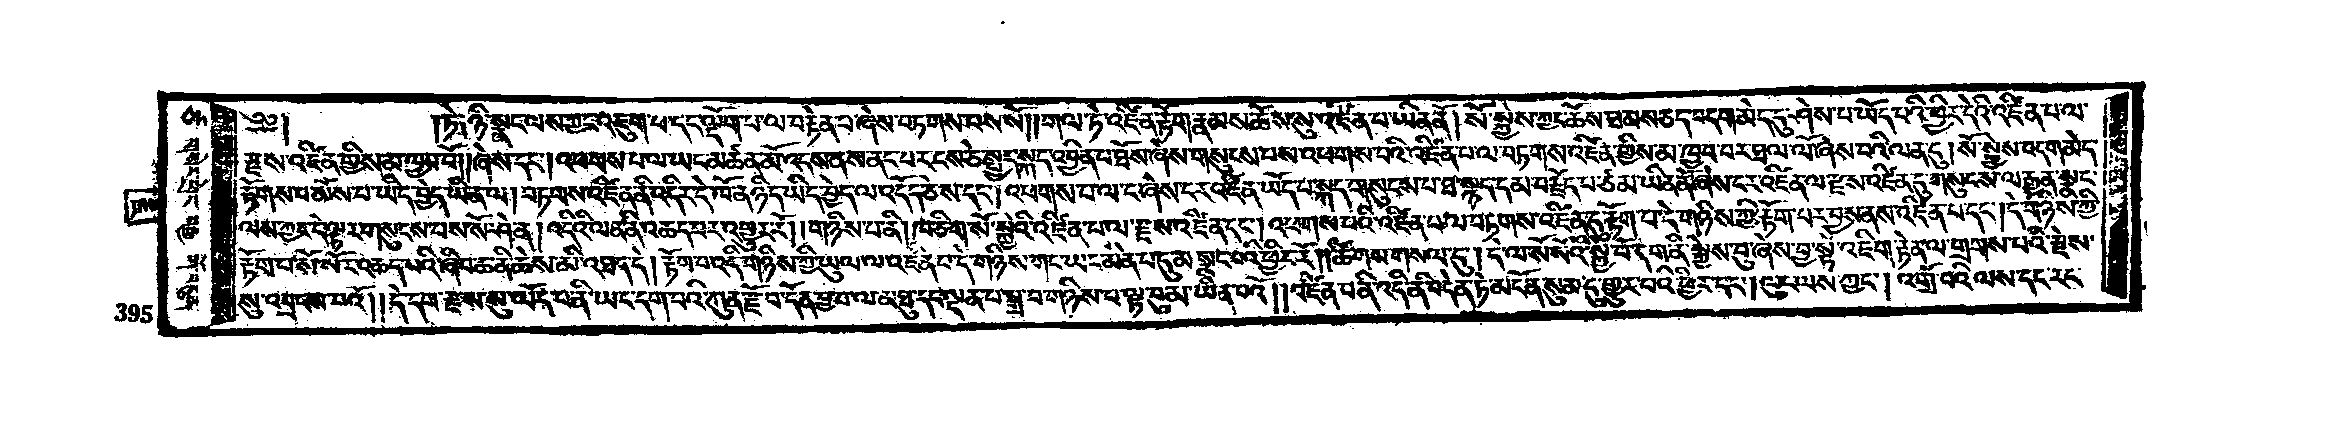༄༅། །ཏེ། ཉི་སྣང་ལས་ཀྱང་འཇུག་པ་དང་ལྡོག་པ་ལ་བརྟེན་པ་ཞེས་བཏགས་པས་སོ། །གལ་ཏེ་འཛིན་རྟོག་རྣམས་ཆོས་སུ་འཛིན་པ་ཡིན་ན། སོ་སྐྱེས་ཀྱང་ཆོས་ཐམས་ཅད་བདག་མེད་དུ་ཤེས་པ་ཡོད་པའི་ཕྱིར་དེའི་འཛིན་པ་ལ་
རྫས་འཛིན་གྱིས་མ་ཁྱབ་བོ། །ཞེས་དང་། འཕགས་པ་ལ་ཡང་མཚན་མོ་འདས་ནས་ནང་པར་ངས་ཅེ་སྤྱད་སྐད་འབྱིན་པ་ཐོས་ཞེས་གསུངས་པས་འཕགས་པའི་འཛིན་པ་ལ་བཏགས་འཛིན་གྱིས་མ་ཁྱབ་པར་ཐལ་ལོ་ཞེས་པའི་ལན་དུ། སོ་སྐྱེས་བདག་མེད་
རྟོགས་པ་མོས་པ་ཡིད་བྱེད་ཡིན་ལ། བཏགས་འཛིན་ནི་འདིར་དེ་ཁོ་ན་ཉིད་ཡིད་བྱེད་ལ་འདོད་ཅེས་དང་། འཕགས་པ་ལ་ང་ཞེས་ངར་འཛིན་ཡོད་པ་སྐད་གསུངས་པ་ཐ་སྙད་དམ་བརྗོད་པ་ཙམ་ཡིན་ནོ་ཞེས་ངར་འཛིན་ལ་རྫས་འཛིན་དུ་གསུངས་ལ་རྒྱན་སྣང་
ལས་ཀྱང་དེ་ལྟར་གསུངས་པས་སོ་ཤེ་ན། འདིའི་ལན་ནི་འཆད་པར་འགྱུར་རོ། །གཉིས་པ་ནི། ཁ་ཅིག་སོ་སྐྱེའི་འཛིན་པ་ལ་རྫས་འཛིན་དང་། འཕགས་པའི་འཛིན་པ་ལ་བཏགས་འཛིན་དུ་རྟོག་པ་དེ་གཉིས་ཀྱི་རྟོག་པར་བྱས་ནས་འཛིན་པ་དང་། དེ་གཉིས་ཀྱི་
རྟོག་པ་སོ་སོར་འཆད་པའི་ཞིབ་ཆ་ནི་ཆེས་མི་འཐད་དེ། རྟོག་པ་འདི་གཉིས་ཀྱི་ཡུལ་ལ་འཛིན་པ་དེ་གཉིས་གང་ཡང་མིན་པ་དུ་མ་སྣང་བའི་ཕྱིར་རོ། །ཚིགས་གསལ་དུ། དེ་ལ་སོ་སོའི་སྐྱེ་བོ་དག་ནི་སྐྱེས་བུ་ཞེས་བྱ་སྟེ་འཇིག་རྟེན་ལ་གྲགས་པའི་རྗེས་
སུ་འབྲངས་པའོ། །དེ་དག་རྫས་སུ་ཡོད་པ་ནི་ཡང་དག་པའི་ཀུན་རྫོབ་དོན་བྱ་བ་ལ་མཐུ་དང་ལྡན་པ་ཟླ་བ་གཉིས་པ་ལྟ་བུ་མ་ཡིན་པའོ། །འཛིན་པ་ནི་འདི་ནི་བདེན་ཏེ་མངོན་སུམ་དུ་གྱུར་པའི་ཕྱིར་དང་། ལུང་ལས་ཀྱང་། འགྲོ་བའི་ལས་དང་རང་